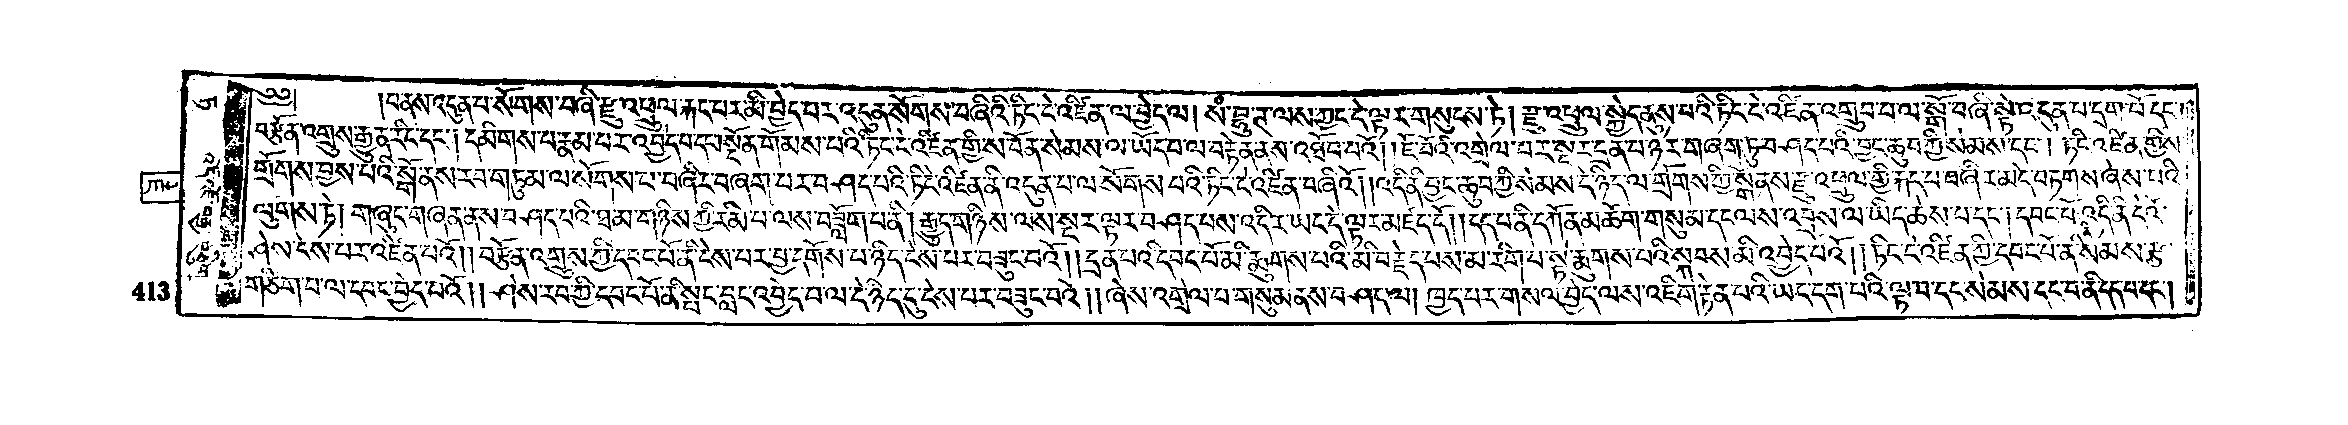༄༅། །པ་ནས་འདུན་པ་སོགས་བཞི་རྫུ་འཕྲུལ་རྐང་པར་མི་བྱེད་པར་འདུན་སོགས་བཞིའི་ཏིང་ངེ་འཛིན་ལ་བྱེད་ལ། སཾ་བྷུ་ཊ་ལས་ཀྱང་དེ་ལྟར་གསུངས་ཏེ། རྫུ་འཕྲུལ་སྐྱེད་ནུས་པའི་ཏིང་ངེ་འཛིན་འགྲུབ་པ་ལ་སྒོ་བཞི་སྟེ་འདུན་པ་དྲག་པོ་དང་།
བརྩོན་འགྲུས་རྒྱུན་རིང་དང་། དམིགས་པ་རྣམ་པར་འབྱེད་པ་དང་། སྔོན་གོམས་པའི་ཏིང་ངེ་འཛིན་གྱི་ས་བོན་སེམས་ལ་ཡོད་པ་ལ་བརྟེན་ནས་འཐོབ་པའོ། །ཇོ་བོའི་འགྲེལ་པར་སྔར་དྲན་པ་ཉེར་གཞག་ཏུ་བཤད་པའི་བྱང་ཆུབ་ཀྱི་སེམས་དང་། ཏིང་འཛིན་གྱིས་
གྲོགས་བྱས་པའི་སྒོ་ནས་རབ་གཏུམ་ལ་སོགས་པ་བཞིར་བཞག་པར་བཤད་པའི་ཏིང་ངེ་འཛིན་ནི་འདུན་པ་ལ་སོགས་པའི་ཏིང་ངེ་འཛིན་བཞིའོ། །འདི་ནི་བྱང་ཆུབ་ཀྱི་སེམས་དེ་ཉིད་ལ་གྲོགས་ཀྱི་སྒོ་ནས་རྫུ་འཕྲུལ་གྱི་རྐང་པ་བཞིར་མེད་བཏགས་ཞེས་པའི་
ལུགས་ཏེ། གཞུང་གཞན་ནས་བཤད་པའི་ཐ་མ་གཉིས་ཀྱི་རིམ་པ་ལས་བཟློག་པ་ནི། རྒྱུད་གཉིས་ལས་སྔར་ལྟར་བཤད་པས་འདིར་ཡང་དེ་ལྟར་མཛད་དོ། །དད་པ་ནི་དཀོན་མཆོག་གསུམ་དང་ལས་འབྲས་ལ་ཡིད་ཆེས་པ་དང་། དབང་པོ་ནི་འདི་ནི་དེའོ་
ཤེས་ངེས་པར་འཛིན་པའོ། །བརྩོན་འགྲུས་ཀྱི་དབང་པོ་ནི་ངེས་པར་བྱ་དགོས་པ་ཉིད་ངེས་པར་བཟུང་པའོ། །དྲན་པའི་དབང་པོ་མི་རྨུགས་པའི་མི་བརྗེད་པས་མ་རིག་པ་སྟེ་རྨུགས་པའི་སྐབས་མི་འབྱེད་པའོ། །ཏིང་ངེ་འཛིན་ཀྱི་དབང་པོ་ནི་སེམས་རྩ་
གཅིག་པ་ལ་དབང་བྱེད་པའོ། །ཤེས་རབ་ཀྱི་དབང་པོ་ནི་སྤང་བླང་འབྱེད་པ་ལ་དེ་ཉིད་དུ་ངེས་པར་བཟུང་བའོ། །ཞེས་འགྲེལ་པ་གསུམ་ནས་བཤད་ལ། ཁྱད་པར་གསལ་བྱེད་ལས་འཇིག་རྟེན་པའི་ཡང་དག་པའི་ལྟ་བ་དང་སེམས་དང་བ་ནི་དད་པ་དང་།